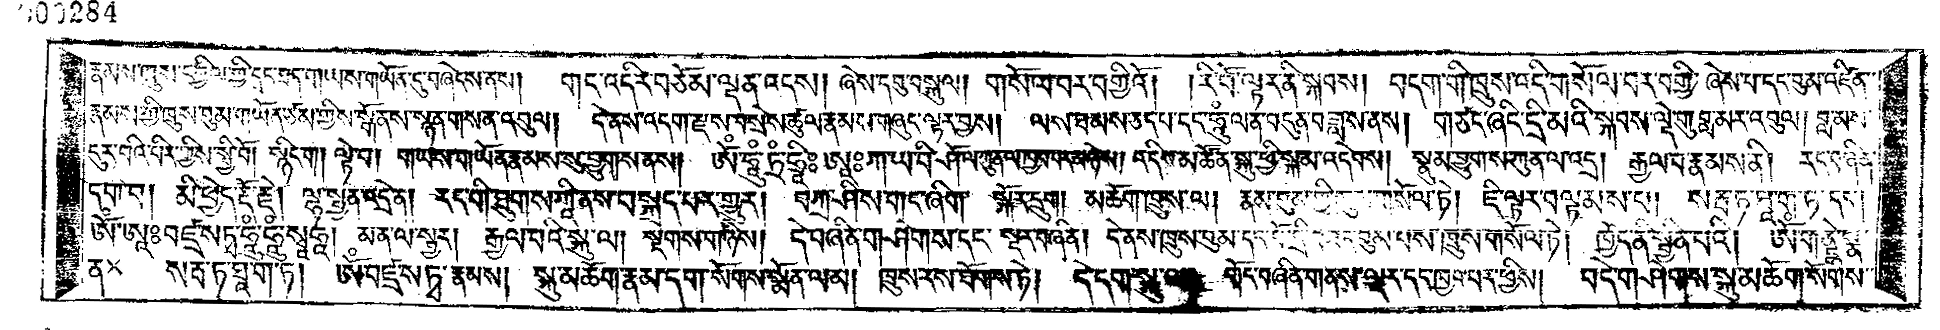རྣམས་ཁྲུས་དཀྱིལ་གྱི་དྲང་ཐད་གཡས་གཡོན་དུ་བཞེངས་ནས། གང་འདིར་བཅོམ་ལྡན་འདས། ཞེས་དབུ་བསྐུལ།  གསོལ་བར་བགྱིའོ། །རི་བོ་ལྟར་ནི་སྐབས། བདག་གི་ཁྲུས་འདི་གསོལ་བར་བགྱི་ཞེས་པ་དང་བུམ་འཛིན་
རྣམས་ཀྱི་ཁྲུས་བུམ་གཡོན་ཙམ་གྱིས་སྒོ་ནས་སྙན་གསན་འབུལ། དེ་ནས་འདག་རྫས་བསྲེས་ཚུལ་རྣམས་གཞུང་ལྟར་བྱས། ལས་ཐམས་ཅད་པ་དང་ཧཱུཾ་ལན་བདུན་བཟླས་ནས། གཙང་ཞིང་དྲི་མའི་སྐབས་ལྡེ་གུ་བླ་མར་འབུལ། བླ་མས་
དུར་བའི་བིར་གྱིས་སྤྱི་བོ། སྙིང་ག། ལྟེ་བ། གཡས་གཡོན་རྣམས་སུ་བྱུགས་ནས། ཨོཾ་ཧཱུཾ་ཏྲཾ་ཧྲཱིཿ ཨཱཿ ཀ་ཡ་བི་ཤོ་ལ་ཀུན་ལ་ཁྱབ་པར་མཉེས། འདིས་མཚོན་སྐུ་ཕྱི་སྐམ་འདེབས། སྣུམ་བྱུགས་ཀུན་ལ་འདྲ།  རྒྱལ་བ་རྣམས་ནི། རང་བཞིན་
དག་བ། མི་ཕྱེད་རྡོ་རྗེ། ལྷ་སྤྱན་འདྲེན། རང་གི་ཐུགས་ཀཱི་ནས་བསྐྲད་པར་གྱུར། བཀྲ་ཤིས་གང་ཞིག་སྐོར་དྲུག །མཆོག་ཁྲུས་ལ། རྣམ་བུམ་གྱི་ཁྲུས་གསོལ་ཏེ།  ཇི་ལྟར་བལྟམས་པ། སརྦ་ཏ་ཐཱ་ག་ཏ་དང་།
ཨོཾ་ཨཱཿ བཛྲ་སཏྭ་ཧཱུཾ་ཧཱུཾ་སྭཱ་ཧཱ། མན་ལ་སྦྱར། རྒྱལ་བའི་སྐུ་ལ། སྔགས་གཉིས།  དེ་བཞིན་གཤེགས་དང་སྔར་བཞིན། དེ་ནས་ཁྲུས་བུམ་དང་པོ་དྲི་བཟང་བུམ་པས་ཁྲུས་གསོལ་ཏེ།  ཁྱོད་ནི་སྦྱིན་པའི། ཨོཾ་གནྡྷེ་སྣ་
ན྾་སརྦ་ཏ་ཐཱ་ག་ཏ། ཨོཾ་བཛྲ་སཏྭ་རྣམས།  སྐུ་མཆོག་རྣམ་དག་སོགས་སྨོན་ལམ། ཁྲུས་རས་ཐོགས་ཏེ།  དེ་དག་སྐུ་ལ། གོང་བཞིན་གནས་ལྔར་དང་ཁྱབ་པར་ཕྱིས།  བདེ་གཤེགས་སྐུ་མཆོག་སོགས་